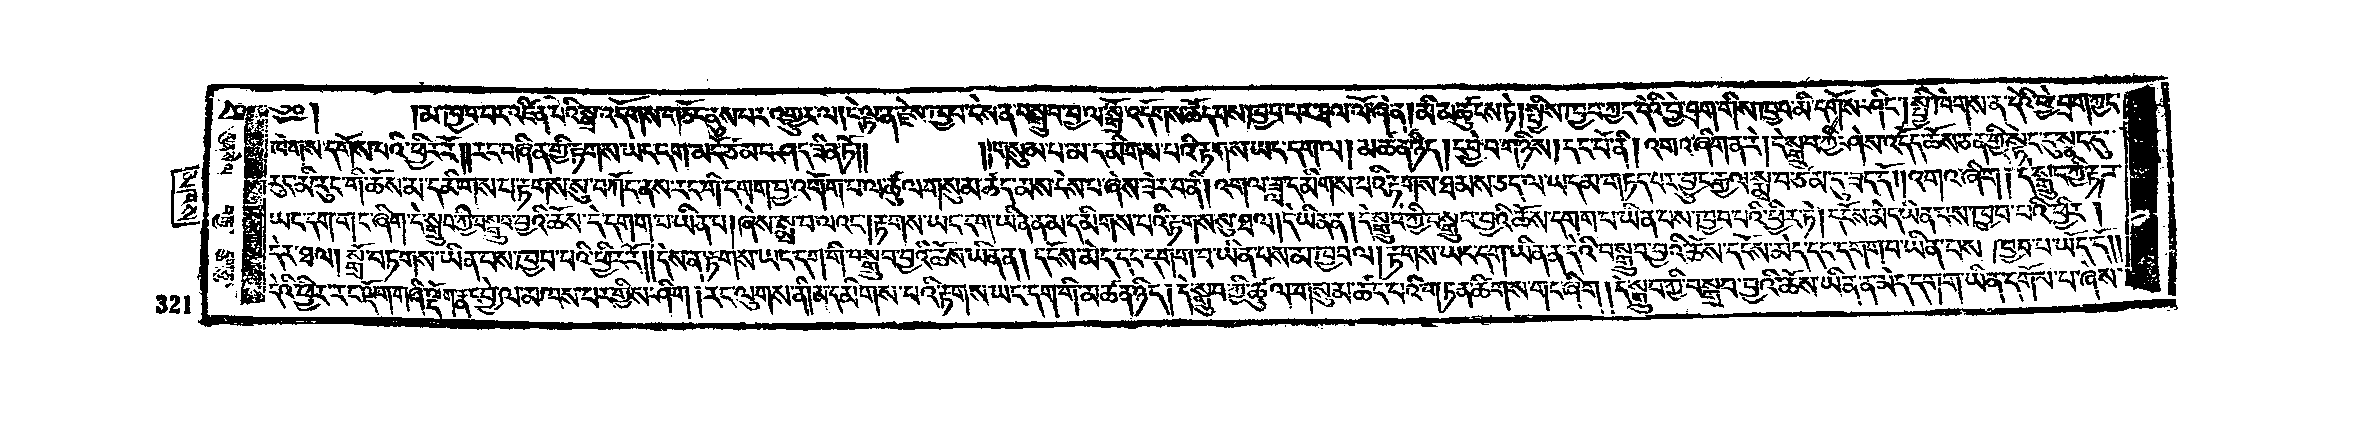༄༅། །མ་ཁྱབ་པར་འཛིན་པའི་སྒྲོ་འདོགས་གཅོད་ནུས་པར་འགྱུར་ལ། དེ་ལྟ་ན་རྗེས་ཁྱབ་ངེས་ན་བསྒྲུབ་བྱ་ལ་སྒྲོ་འདོགས་ཆོད་པས་ཁྱབ་པར་ཐལ་ལོ་ཞེ་ན། མི་མཚུངས་ཏེ། སྤྱིས་ཁྱབ་ཀྱང་དེའི་བྱེ་བྲག་གིས་ཁྱབ་མི་དགོས་ཤིང་། སྤྱི་ཁེགས་ན་དེའི་བྱེ་བྲག་ཀྱང་
ཁེགས་དགོས་པའི་ཕྱིར་རོ། །རང་བཞིན་གྱི་རྟགས་ཡང་དག་མདོ་ཙམ་བཤད་ཟིན་ཏོ།། །།གསུམ་པ་མ་དམིགས་པའི་རྟགས་ཡང་དག་ལ། མཚན་ཉིད། དབྱེ་བ་གཉིས། དང་པོ་ནི། འགའ་ཞིག་ན་རེ། དེ་སྒྲུབ་ཀྱི་ཤེས་འདོད་ཆོས་ཅན་གྱི་སྟེང་དུ་སྣང་དུ་
རུང་མི་རུང་གི་ཆོས་མ་དམིགས་པ་རྟགས་སུ་བཀོད་ནས་རང་གི་དགག་བྱ་འགོག་པ་ལ་ཚུལ་གསུམ་ཚད་མས་ངེས་པ་ཞེས་ཟེར་བ་ནི། འགལ་ཟླ་དམིགས་པའི་རྟགས་ཐམས་ཅད་ལ་ཡིད་མི་གཏད་པར་བྱུང་རྒྱལ་སྨྲ་བ་ཙམ་དུ་ཟད་དོ། །འགའ་ཞིག །དེ་སྒྲུབ་ཀྱི་རྟགས་
ཡང་དག་གང་ཞིག་དེ་སྒྲུབ་ཀྱི་བསྒྲུབ་བྱའི་ཆོས་དེ་དགག་པ་ཡིན་པ། ཞེས་སྨྲ་བ་ལའང་། རྟགས་ཡང་དག་ཡིན་ན་མ་དམིགས་པའི་རྟགས་སུ་ཐལ། དེ་ཡིན་ན། དེ་སྒྲུབ་ཀྱི་བསྒྲུབ་བྱའི་ཆོས་དགག་པ་ཡིན་པས་ཁྱབ་པའི་ཕྱིར་ཏེ། དངོས་མེད་ཡིན་པས་ཁྱབ་པའི་ཕྱིར།
དེར་ཐལ། སྒྲོ་བཏགས་ཡིན་པས་ཁྱབ་པའི་ཕྱིར་རོ། །དེས་ན་རྟགས་ཡང་དག་གི་བསྒྲུབ་བྱའི་ཆོས་ཡིན་ན། དངོས་མེད་དང་དགག་པ་ཡིན་པས་མ་ཁྱབ་ལ། རྟགས་ཡང་དག་ཡིན་ན་དེའི་བསྒྲུབ་བྱའི་ཆོས་དངོས་མེད་དང་དགག་པ་ཡིན་པས། ཁྱབ་པ་ཡོད་དོ། །
དེའི་ཕྱིར་རང་ལྡོག་གཞི་ལྡོག་རྣམ་དབྱེ་ལ་མཁས་པར་གྱིས་ཤིག །རང་ལུགས་ནི། མ་དམིགས་པའི་རྟགས་ཡང་དག་གི་མཚན་ཉིད། དེ་སྒྲུབ་ཀྱི་ཚུལ་གསུམ་ཚང་བའི་གཏན་ཚིགས་གང་ཞིག །དེ་སྒྲུབ་ཀྱི་བསྒྲུབ་བྱའི་ཆོས་ཡིན་ན་མེད་དགག་ཡིན་དགོས་པ་ཞེ་